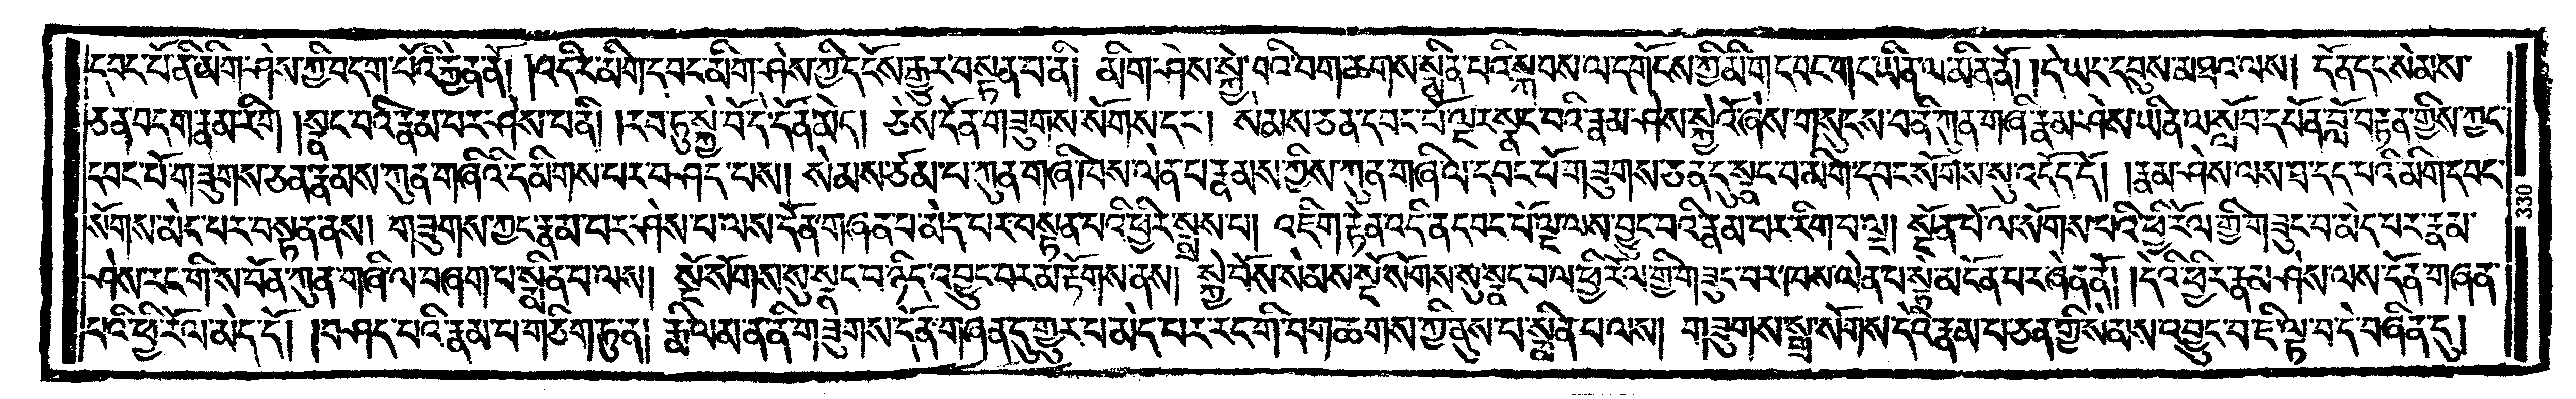དབང་པོ་ནི་མིག་ཤེས་ཀྱི་བདག་པོའི་རྐྱེན་ནོ། །འདིར་མིག་དབང་མིག་ཤེས་ཀྱི་དངོས་རྒྱུར་བསྟན་པ་ནི། མིག་ཤེས་སྐྱེ་བའི་བག་ཆགས་སྨིན་པའི་སྐབས་ལ་དགོངས་ཀྱི་མིག་དབང་གང་ཡིན་ལ་མིན་ནོ། །དེ་ཡང་དབུས་མཐའ་ལས། དོན་དང་སེམས་
ཅན་བདག་རྣམ་རིག །སྣང་བའི་རྣམ་པར་ཤེས་པ་ནི། །རབ་ཏུ་སྐྱེ་བོ་དེ་དོན་མེད། ཅེས་དོན་གཟུགས་སོགས་དང་། སེམས་ཅན་དབང་པོ་ལྔར་སྣང་བའི་རྣམ་ཤེས་སྐྱེའོ་ཞེས་གསུངས་པ་ནི་ཀུན་གཞི་རྣམ་ཤེས་ཡིན་ལ་སློབ་དཔོན་བློ་བརྟན་གྱིས་ཀྱང་
དབང་པོ་གཟུགས་ཅན་རྣམས་ཀུན་གཞིའི་དམིགས་པར་བཤད་པས། སེམས་ཙམ་པ་ཀུན་གཞི་ཁས་ལེན་པ་རྣམས་ཀྱིས་ཀུན་གཞི་ལ་དབང་པོ་གཟུགས་ཅན་དུ་སྣང་བ་མིག་དབང་སོགས་སུ་འདོད་དོ། །རྣམ་ཤེས་ལས་ཐ་དད་པའི་མིག་དབང་
སོགས་མེད་པར་བསྟན་ནས། གཟུགས་ཀྱང་རྣམ་པར་ཤེས་པ་ལས་དོན་གཞན་པ་མེད་པར་བསྟན་པའི་ཕྱིར་སྨྲས་པ། འཇིག་རྟེན་འདི་ན་དབང་པོ་ལྔ་ལས་བྱུང་བའི་རྣམ་པར་རིག་པ་ལྔ། སྔོན་པོ་ལ་སོགས་པའི་ཕྱི་རོལ་གྱི་གཟུང་བ་མེད་པར་རྣམ་
ཤེས་རང་གི་ས་བོན་ཀུན་གཞི་ལ་བཞག་པ་སྨིན་པ་ལས། སྔོ་སོགས་སུ་སྣང་བ་ཉིད་འབྱུང་བར་མ་རྟོགས་ནས། སྐྱེ་བོས་སེམས་སྔོ་སོགས་སུ་སྣང་བ་ལ་ཕྱི་རོལ་གྱི་གཟུང་བར་ཁས་ལེན་པ་སྟེ་མངོན་པར་ཞེན་ནོ། །དེའི་ཕྱིར་རྣམ་ཤེས་ལས་དོན་གཞན་
པའི་ཕྱི་རོལ་མེད་དོ། །བཤད་པའི་རྣམ་པ་གཅིག་ཏུ་ན། རྨི་ལམ་ན་ནི་གཟུགས་དོན་གཞན་དུ་གྱུར་པ་མེད་པར་རང་གི་བག་ཆགས་ཀྱི་ནུས་པ་སྨིན་པ་ལས། གཟུགས་སྒྲ་སོགས་དེའི་རྣམ་པ་ཅན་གྱི་སེམས་འབྱུང་བ་ཇི་ལྟ་བ་དེ་བཞིན་དུ།